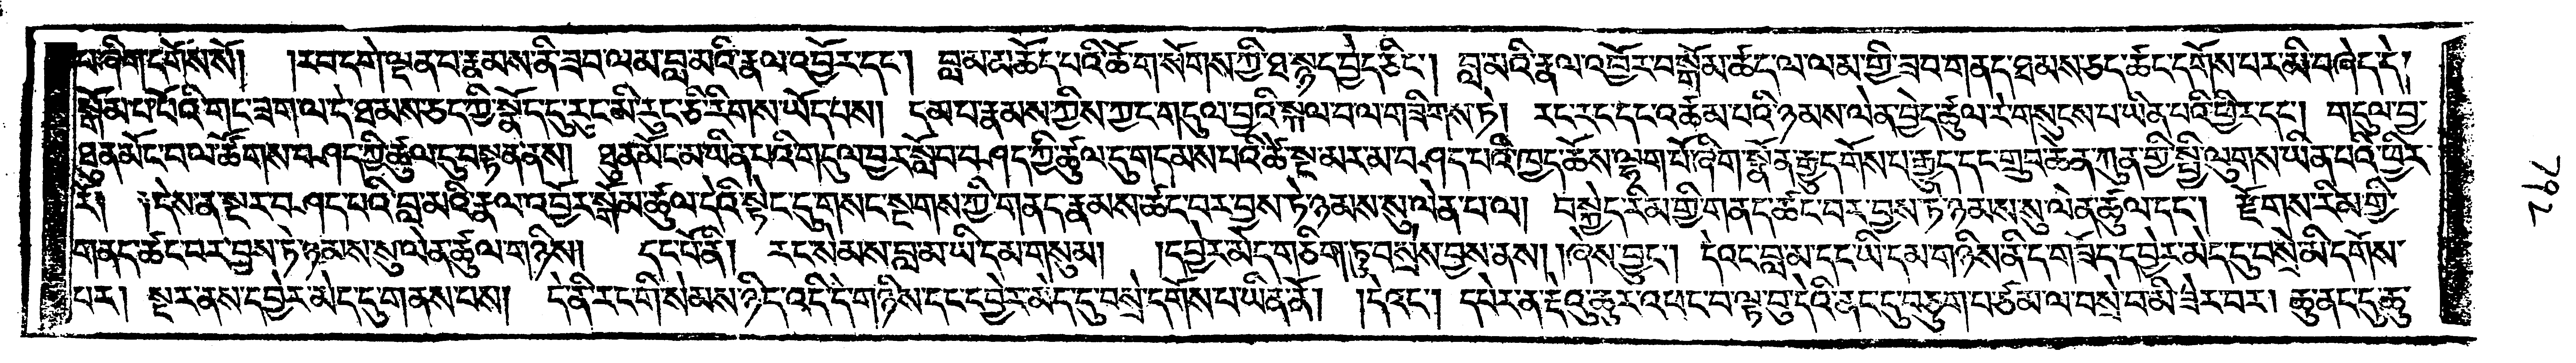པ་ཞིག་དགོས་སོ། །རབ་དགེ་ལྡན་པ་རྣམས་ནི་ཟབ་ལམ་བླ་མའི་རྣལ་འབྱོར་དང་། བླ་མ་མཆོད་པའི་ཆོ་ག་སོགས་ཀྱི་ཐ་སྙད་བྱེད་ཅིང་། བླ་མའི་རྣལ་འབྱོར་བསྒོམ་ཚད་ལ་ལམ་གྱི་ཟབ་གནད་ཐམས་ཅད་ཚང་དགོས་པར་མི་བཞེད་དེ།
སྒོམ་པ་པོའི་གང་ཟག་ལ་དེ་ཐམས་ཅད་ཀྱི་སྣོད་དུ་རུང་མི་རུང་ཅི་རིགས་ཡོད་པས། དམ་པ་རྣམས་ཀྱིས་ཀྱང་གདུལ་བྱའི་སྐལ་བ་ལ་གཟིགས་ཏེ། རང་རང་དང་འཚམ་པའི་ཉམས་ལེན་བྱེད་ཚུལ་རེ་གསུངས་པ་ཡིན་པའི་ཕྱིར་དང་། གདུལ་བྱ་
ཐུན་མོང་བ་ལ་ཚོགས་བཤད་ཀྱི་ཚུལ་དུ་བསྟན་ནས། ཐུན་མོང་མ་ཡིན་པའི་གདུལ་བྱར་སློབ་བཤད་ཀྱི་ཚུལ་དུ་གདམས་པའི་ཚེ་སྔ་མར་མ་བཤད་པའི་ཁྱད་ཆོས་ལྷག་པོ་ཞིག་སྣོན་རྒྱུ་དགོས་པ་རྒྱུད་དང་གྲུབ་ཆེན་ཀུན་གྱི་སྤྱི་ལུགས་ཡིན་པའི་ཕྱིར་
རོ༑ ༑དེས་ན་སྔར་བཤད་པའི་བླ་མའི་རྣལ་འབྱོར་སྒོམ་ཚུལ་དེའི་སྟེང་དུ་གསང་སྔགས་ཀྱི་གནད་རྣམས་ཚང་བར་བྱས་ཏེ་ཉམས་སུ་ལེན་པ་ལ། བསྐྱེད་རིམ་གྱི་གནད་ཚང་བར་བྱས་ཏེ་ཉམས་སུ་ལེན་ཚུལ་དང་། རྫོགས་རིམ་གྱི་
གནད་ཚང་བར་བྱས་ཏེ་ཉམས་སུ་ལེན་ཚུལ་གཉིས། དང་པོ་ནི། རང་སེམས་བླ་མ་ཡི་དམ་གསུམ། །དབྱེར་མེད་གཅིག་ཏུ་བསྲེས་བྱས་ནས། །ཞེས་བྱུང་། དེའང་བླ་མ་དང་ཡི་དམ་གཉིས་ནི་གཟོད་དབྱེར་མེད་དུ་བསྲེ་མི་དགོས་
པར། སྔར་ནས་དབྱེར་མེད་དུ་གནས་པས། དེ་ནི་རང་གི་སེམས་ཉིད་འདི་དེ་གཉིས་དང་དབྱེར་མེད་དུ་བསྲེ་དགོས་པ་ཡིན་ནོ། །དེའང་དཔེར་ན་རྡེའུ་ཆུར་འཕང་བ་ལྟ་བུ་དེའི་ནང་དུ་བཅུག་བ་ཙམ་ལ་བསྲེ་བ་མི་ཟེར་བར། ཆུ་ནང་དུ་ཆུ་